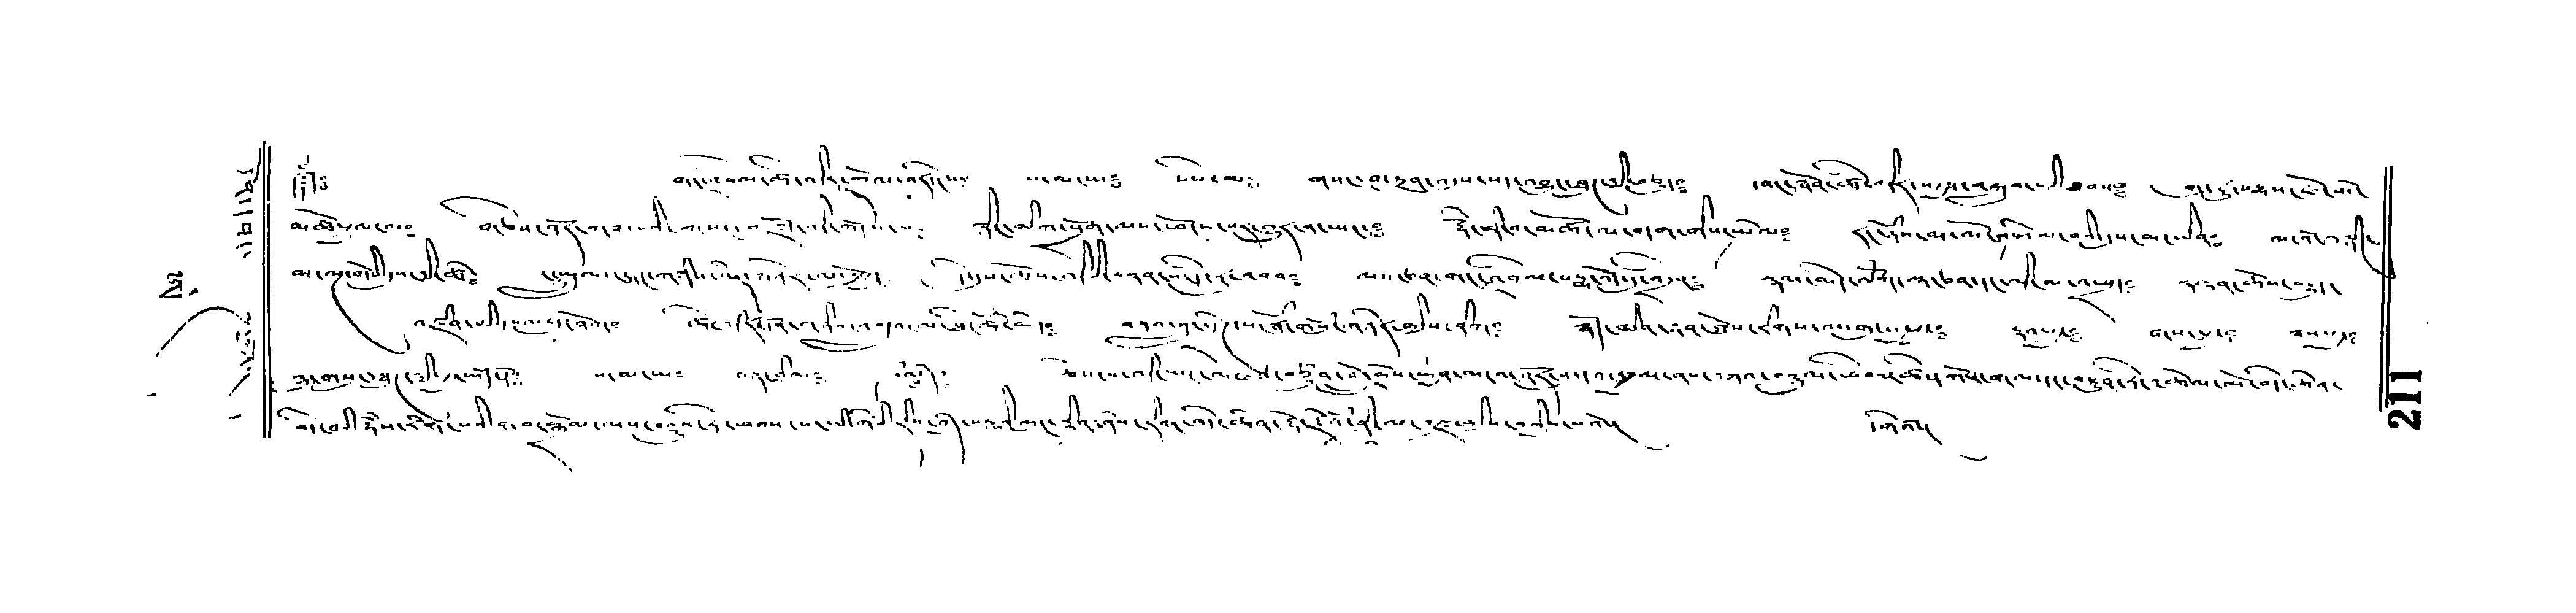གང་འབྲེལ་ཚེ་འདིར་གྲོལ་བར་ངེས༔ ས་མ་ཡ༔ ཨེ་མ༔ གསང་བ་ཀུན་འདུས་པད་འབྱུང་ཐུགས་ཀྱི་བཅུད༔ དབང་རྣོན་ཚེ་འདིར་སངས་རྒྱས་འགྲུབ་པའི་ཐབས༔ གུ་རུ་པདྨས་ཁོ་མོ་
མཚོ་རྒྱལ་ལ༔ གཅེས་ནོར་གབ་པའི་གསང་མཛོད་འདི་གདམས་པ༔ སྙིང་མིག་སྲོག་ལས་ཕོངས་པར་གྱུར་ན་ཡང༔ རྡོ་རྗེ་ཞི་བ་མཚོ་ལ་བདག་གིས་སྤེལ༔ རང་ཉམས་མ་ལོངས་སྤེལ་བའི་དུས་མ་ཡིན༔ མ་འོངས་སྙིགས་
མ་ལྔ་བདོའི་དུས་ཀྱི་ཚེ༔ ང་སྤྲུལ་ང་དང་གཉིས་མེད་གཏེར་ལ་སྤྱོད༔ དེ་དུས་ཆོས་འདིའི་བསྟན་པ་དེ་རུ་འབབ༔ ལས་ཅན་གང་འབྲེལ་པདྨ་འོད་དུ་འདྲེན༔ སྐལ་མེད་ལོག་ལྟ་ཅན་དང་འདི་མ་འཕྲད༔ སྐལ་ལྡན་ཆོས་བརྒྱུད་
འཛིན་པའི་དཔལ་དུ་ཤོག༔ ཚེ་འདིར་དོན་གཉིས་འགྲུབ་ལ་ཐེ་ཚོམ་མེད༔ བཀའ་སྲུང་དྲེགས་པ་རྣམ་གསུམ་གཉེར་གྱིས་ཤིག༔ སྣོད་མིན་ཉན་ཐོས་རིགས་ལ་གུ་ཧྱ་རྒྱ༔ ཟབ་རྒྱ༔ གསང་རྒྱ༔ སྦས་རྒྱ༔ 
སྐུ་གསུང་ཐུགས་ཀྱི་རྒྱ་ཡོད་དོ༔ ས་མ་ཡ༔ བརྡ་ཐིམ༔ ཿ ཅེས་པ་འདི་ཡང་མཁའ་བཙུན་བློ་གྲོས་སྤྱན་མངའ་ནོར་བུ་དབང་རྒྱལ་ནས་བཀའ་བསྐུལ་ཕེབས་ཚེ་དགོས་གལ་དང་བསྟུན་ཏེ་འཆོལ་མོ་བདེ་ཆེན་
བདེ་བའི་རྡོ་རྗེས་རིག་པའི་གབ་སྒྲོམ་ལས་བསྡུས་ཏེ་ཕབ་པ་ཡི་གེའི་རིག་བྱེད་པདྨའི་ལུང་ཟིན་ཤེས་རིག་བདེ་ཆེན་རྡོ་རྗེའམ་ཤཱི་ལ་བཛྲ་གྱིས་བགྱིས་པའོ།། བཀྲ་ཤིས།།